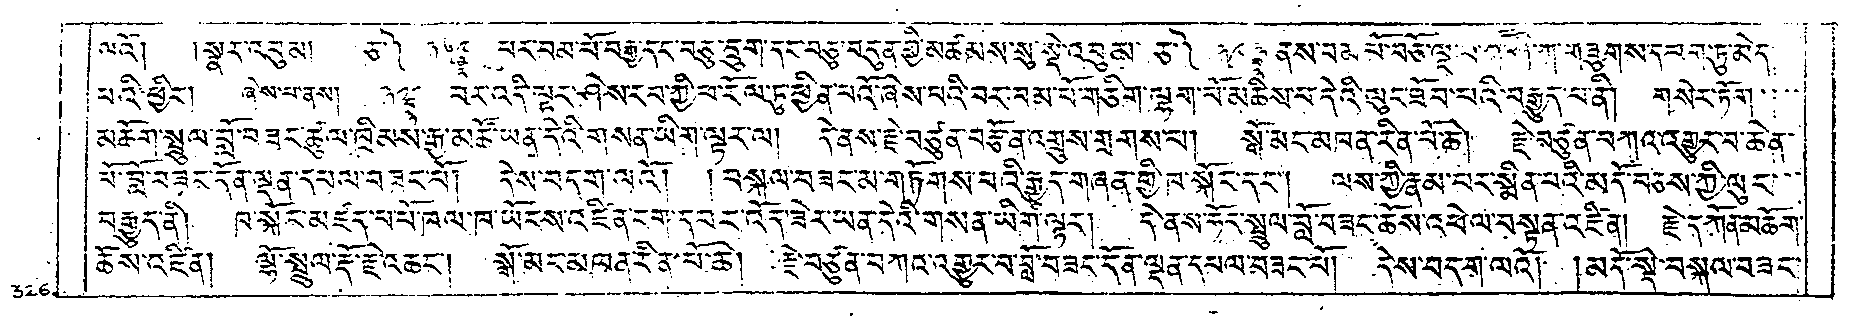ལའོ། །སྣར་འབུམ། ཅ྄ ༢༦༩་ན ༢་པར་བམ་པོ་བརྒྱ་དང་བཅུ་དྲུག་དང་བཅུ་བདུན་གྱི་མཚམས་སུ་སྡེ་འབུམ་ཅ྄ ༢༩༣་བ ༢་ནས་བམ་པོ་བཅོ་ལྔ་པ་ཀཽ་ཤི་ཀ་གཟུགས་དཔག་ཏུ་མེད་
པའི་ཕྱིར། ཞེས་པ་ནས།  ༣༡༡་བ ༣་བར་འདི་ལྟར་ཤེས་རབ་ཀྱི་ཕ་རོལ་ཏུ་ཕྱིན་པའོ་ཞེས་པའི་བར་བམ་པོ་གཅིག་ལྷག་པོ་མཆིས་པ་དེའི་ལུང་ཐོབ་པའི་བརྒྱུད་པ་ནི། གསེར་ཏོག་
མཆོག་སྤྲུལ་བློ་བཟང་ཚུལ་ཁྲིམས་རྒྱ་མཚོ་ཡན་དེའི་གསན་ཡིག་ལྟར་ལ། དེ་ནས་རྗེ་བཙུན་བརྩོན་འགྲུས་གྲགས་པ། སྒོ་མང་མཁན་རིན་པོ་ཆེ། རྗེ་བཙུན་བཀའ་འགྱུར་བ་ཆེན་
པོ་བློ་བཟང་དོན་ལྡན་དཔལ་བཟང་པོ། དེས་བདག་ལའོ། །བསྐལ་བཟང་མ་གཏོགས་པའི་རྒྱུད་གཞན་གྱི་ཁ་སྐོང་དང་། ལས་ཀྱི་རྣམ་པར་སྨིན་པའི་མདོ་བཅས་ཀྱི་ལུང་
བརྒྱུད་ནི། ཁ་སྐོང་མཛད་པ་པོ་ཁལ་ཁ་ཡོངས་འཛིན་ངག་དབང་འོད་ཟེར་ཡན་དེའི་གསན་ཡིག་ལྟར། དེ་ནས་ཧོར་སྤྲུལ་བློ་བཟང་ཆོས་འཕེལ་བསྟན་འཛིན། རྗེ་དཀོན་མཆོག་
ཆོས་འཛིན། ལྷོ་སྤྲུལ་རྡོ་རྗེ་འཆང་། སྒོ་མང་མཁན་རིན་པོ་ཆེ། རྗེ་བཙུན་བཀའ་འགྱུར་བ་བློ་བཟང་དོན་ལྡན་དཔལ་བཟང་པོ། དེས་བདག་ལའོ། །མདོ་སྡེ་བསྐལ་བཟང་